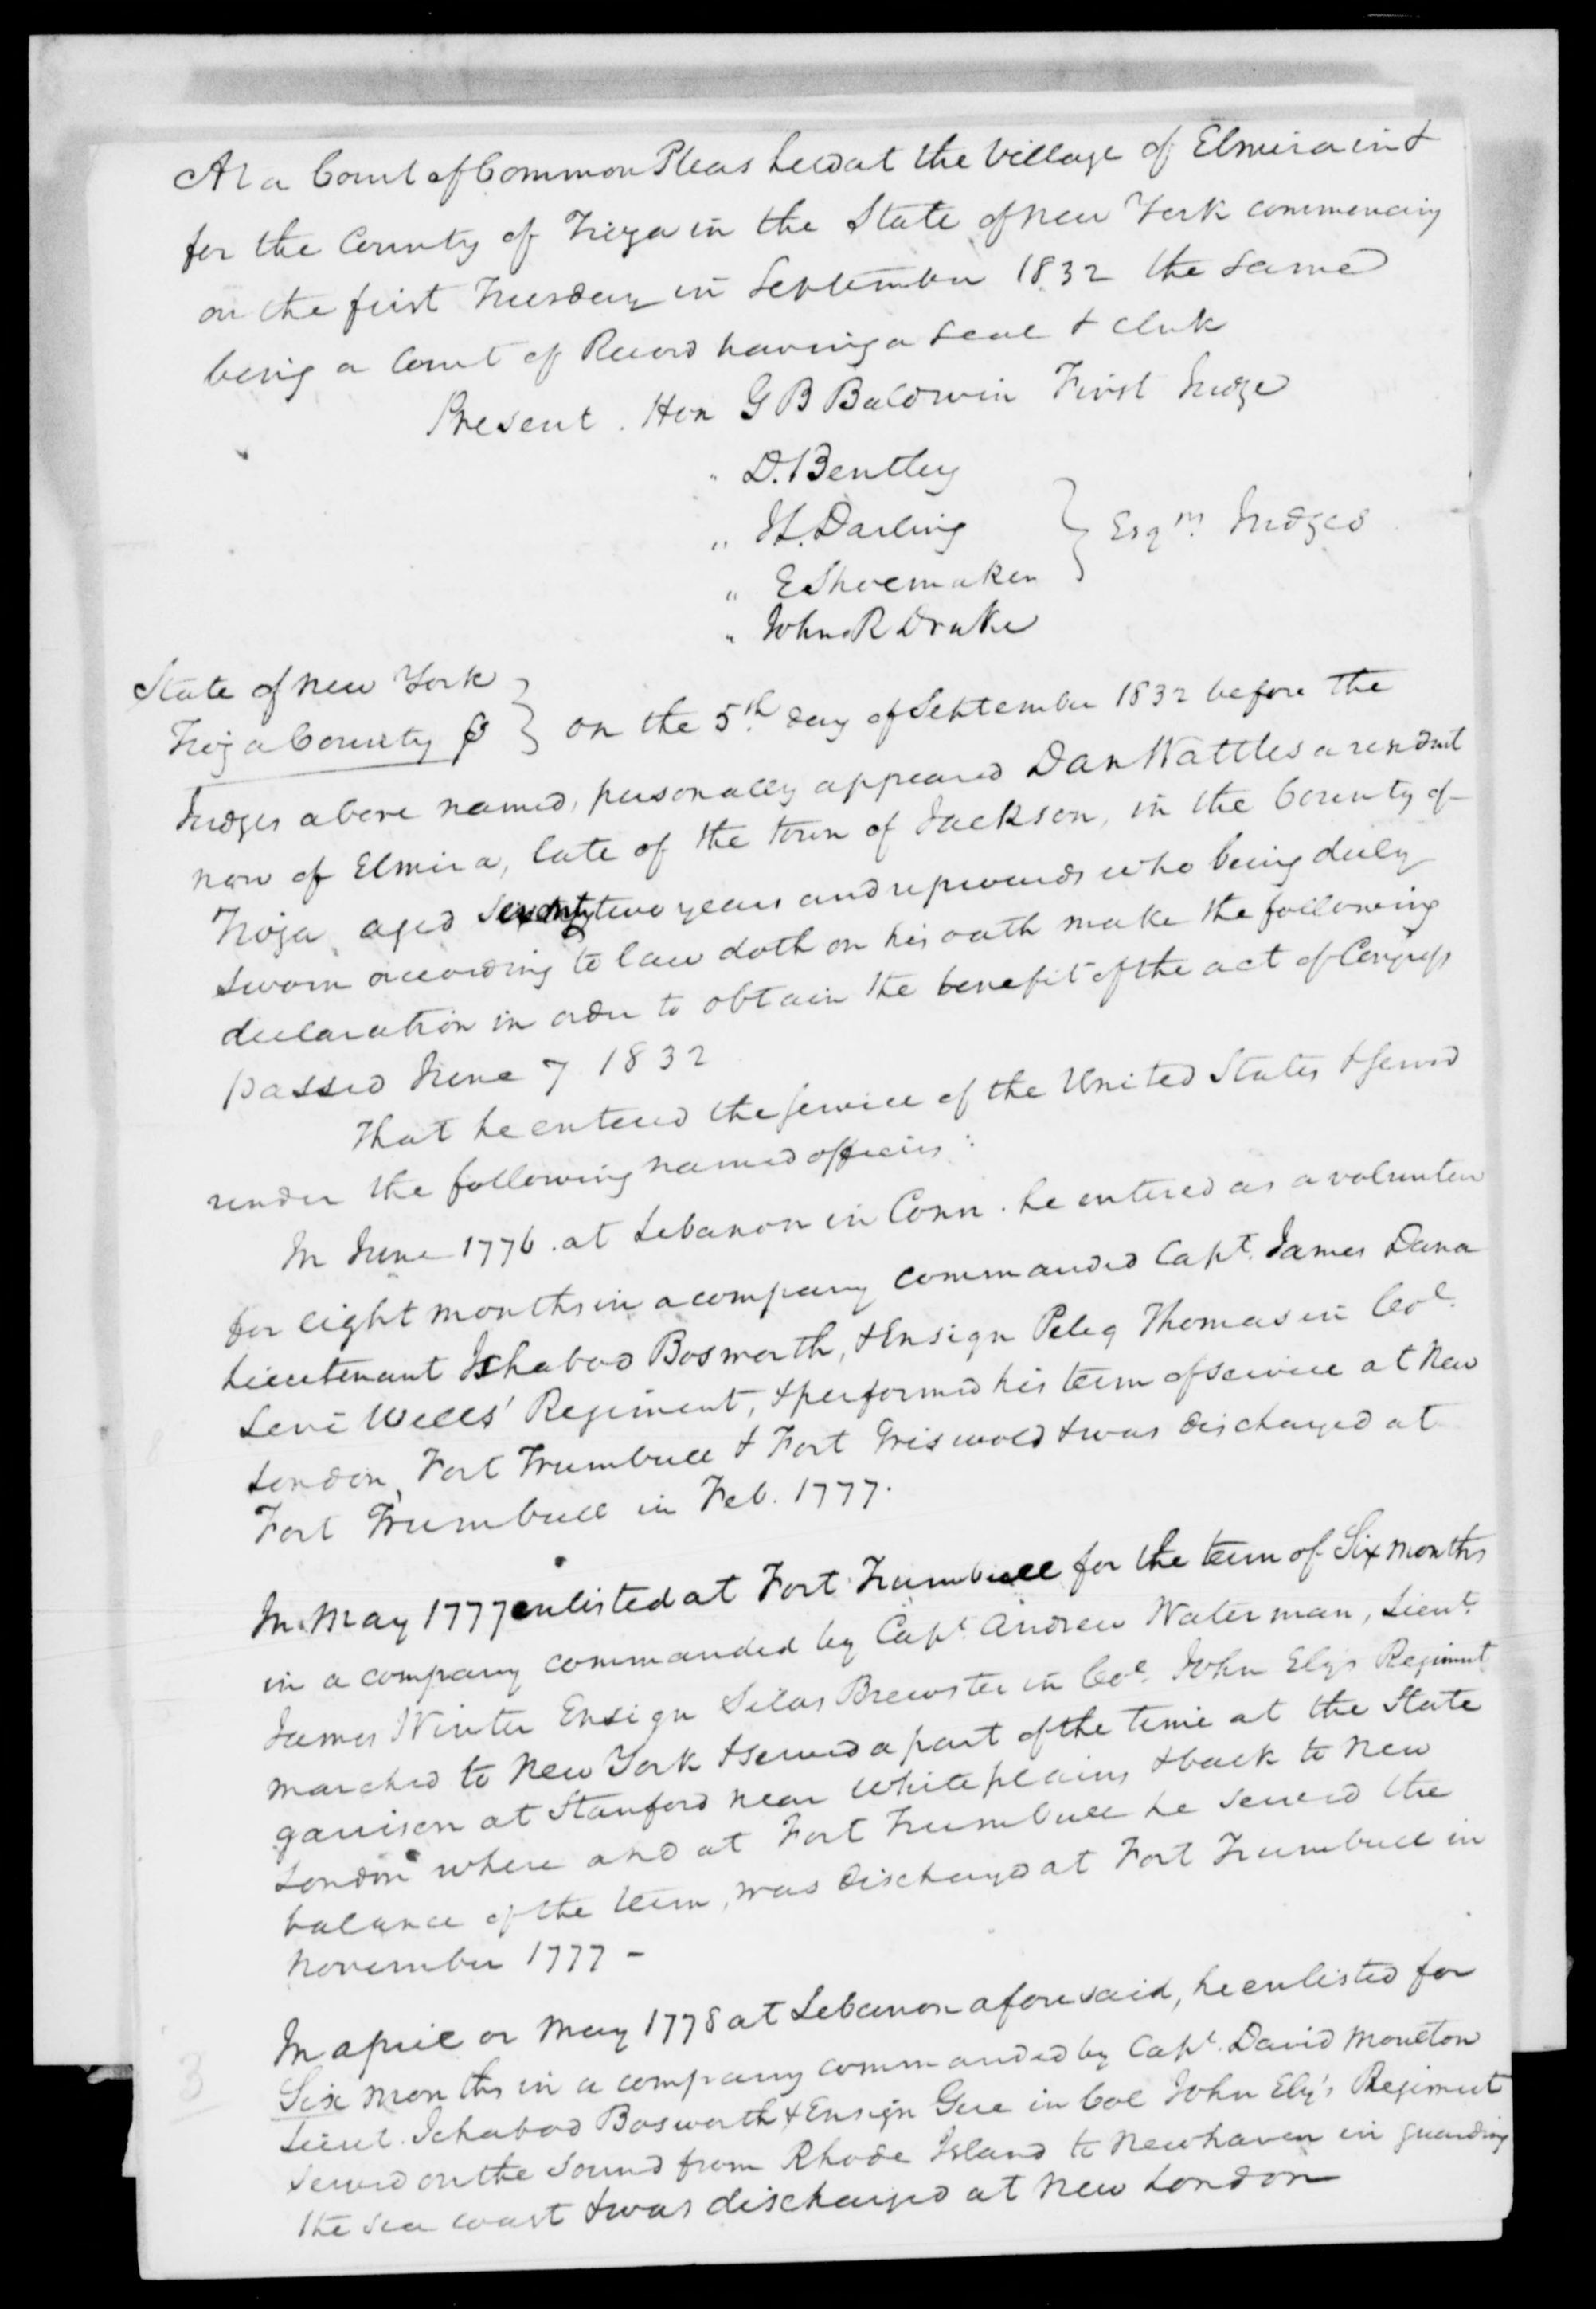At a Court of Common Pleas held at the Village of Elmira in & for the County of Tioga in the State of New York commencing on the first Tuesday in September 1832 the same being a Court of Record having a Seal & clerk
Present Hon G B Baldwin First Judge
D. Bentley
J L. Darling } Esqr Judges
E Shoemaker
John R Drake

State of New York }
Tioga County Ss } on the 5th day of September 1832 before the Judges above named personally appeared Dan Wattles a resident now of Elmira, late of the town of Jackson, in the County of Tioga aged seventy two years and upwards who being duly sworn according to law doth on his oath make the following declaration in order to obtain the benefit of the act of Congress passed June 7 1832

That he entered the service of the United States & served under the following named officers:

In June 1776 at Lebanon in Conn. he entered as a volunteer for eight months in a company commanded Capt James Dana Lieutenant Ichabod Bosworth & Ensign Peleg Thomas in Col. Levi Wells' Regiment, & performed his term of service at New London Fort Trumbull & Fort Griswold & was discharged at Fort Trumbull in Feb. 1777.

In May 1777 enlisted at Fort Trumbull for the term of Six months in a company commanded by Capt Andrew Waterman, Lieut James Winter Ensign Silas Brewster in Col John Elys Regiment marched to New York & served a part of the time at the State Garrison at Stanford near White plains & back to New London where and at Fort Trumbull he served the balance of the term was discharge at Fort Trumbull in November 1777-

In April or May 1778 at Lebanon aforesaid, he enlisted for Six months in a company commanded by Capt David Moulton Lieut Ichabod Bosworth & Ensign Gue in Col John Ely's Regiment served on the sound from Rhode Island to Newhaven in guarding the sea coast & was discharged at New London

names: Dan Wattles, J L Darling, James Dana, D Bentley, Peleg Thomas, Gue, James Winter, Silas Brewster, G B Baldwin, Ichabod Bosworth, David Moulton, Andrew Waterman, John R Drake, E Shoemaker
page: 21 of 70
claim: widow's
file: W. 3743, Dan Wattles, Conn.